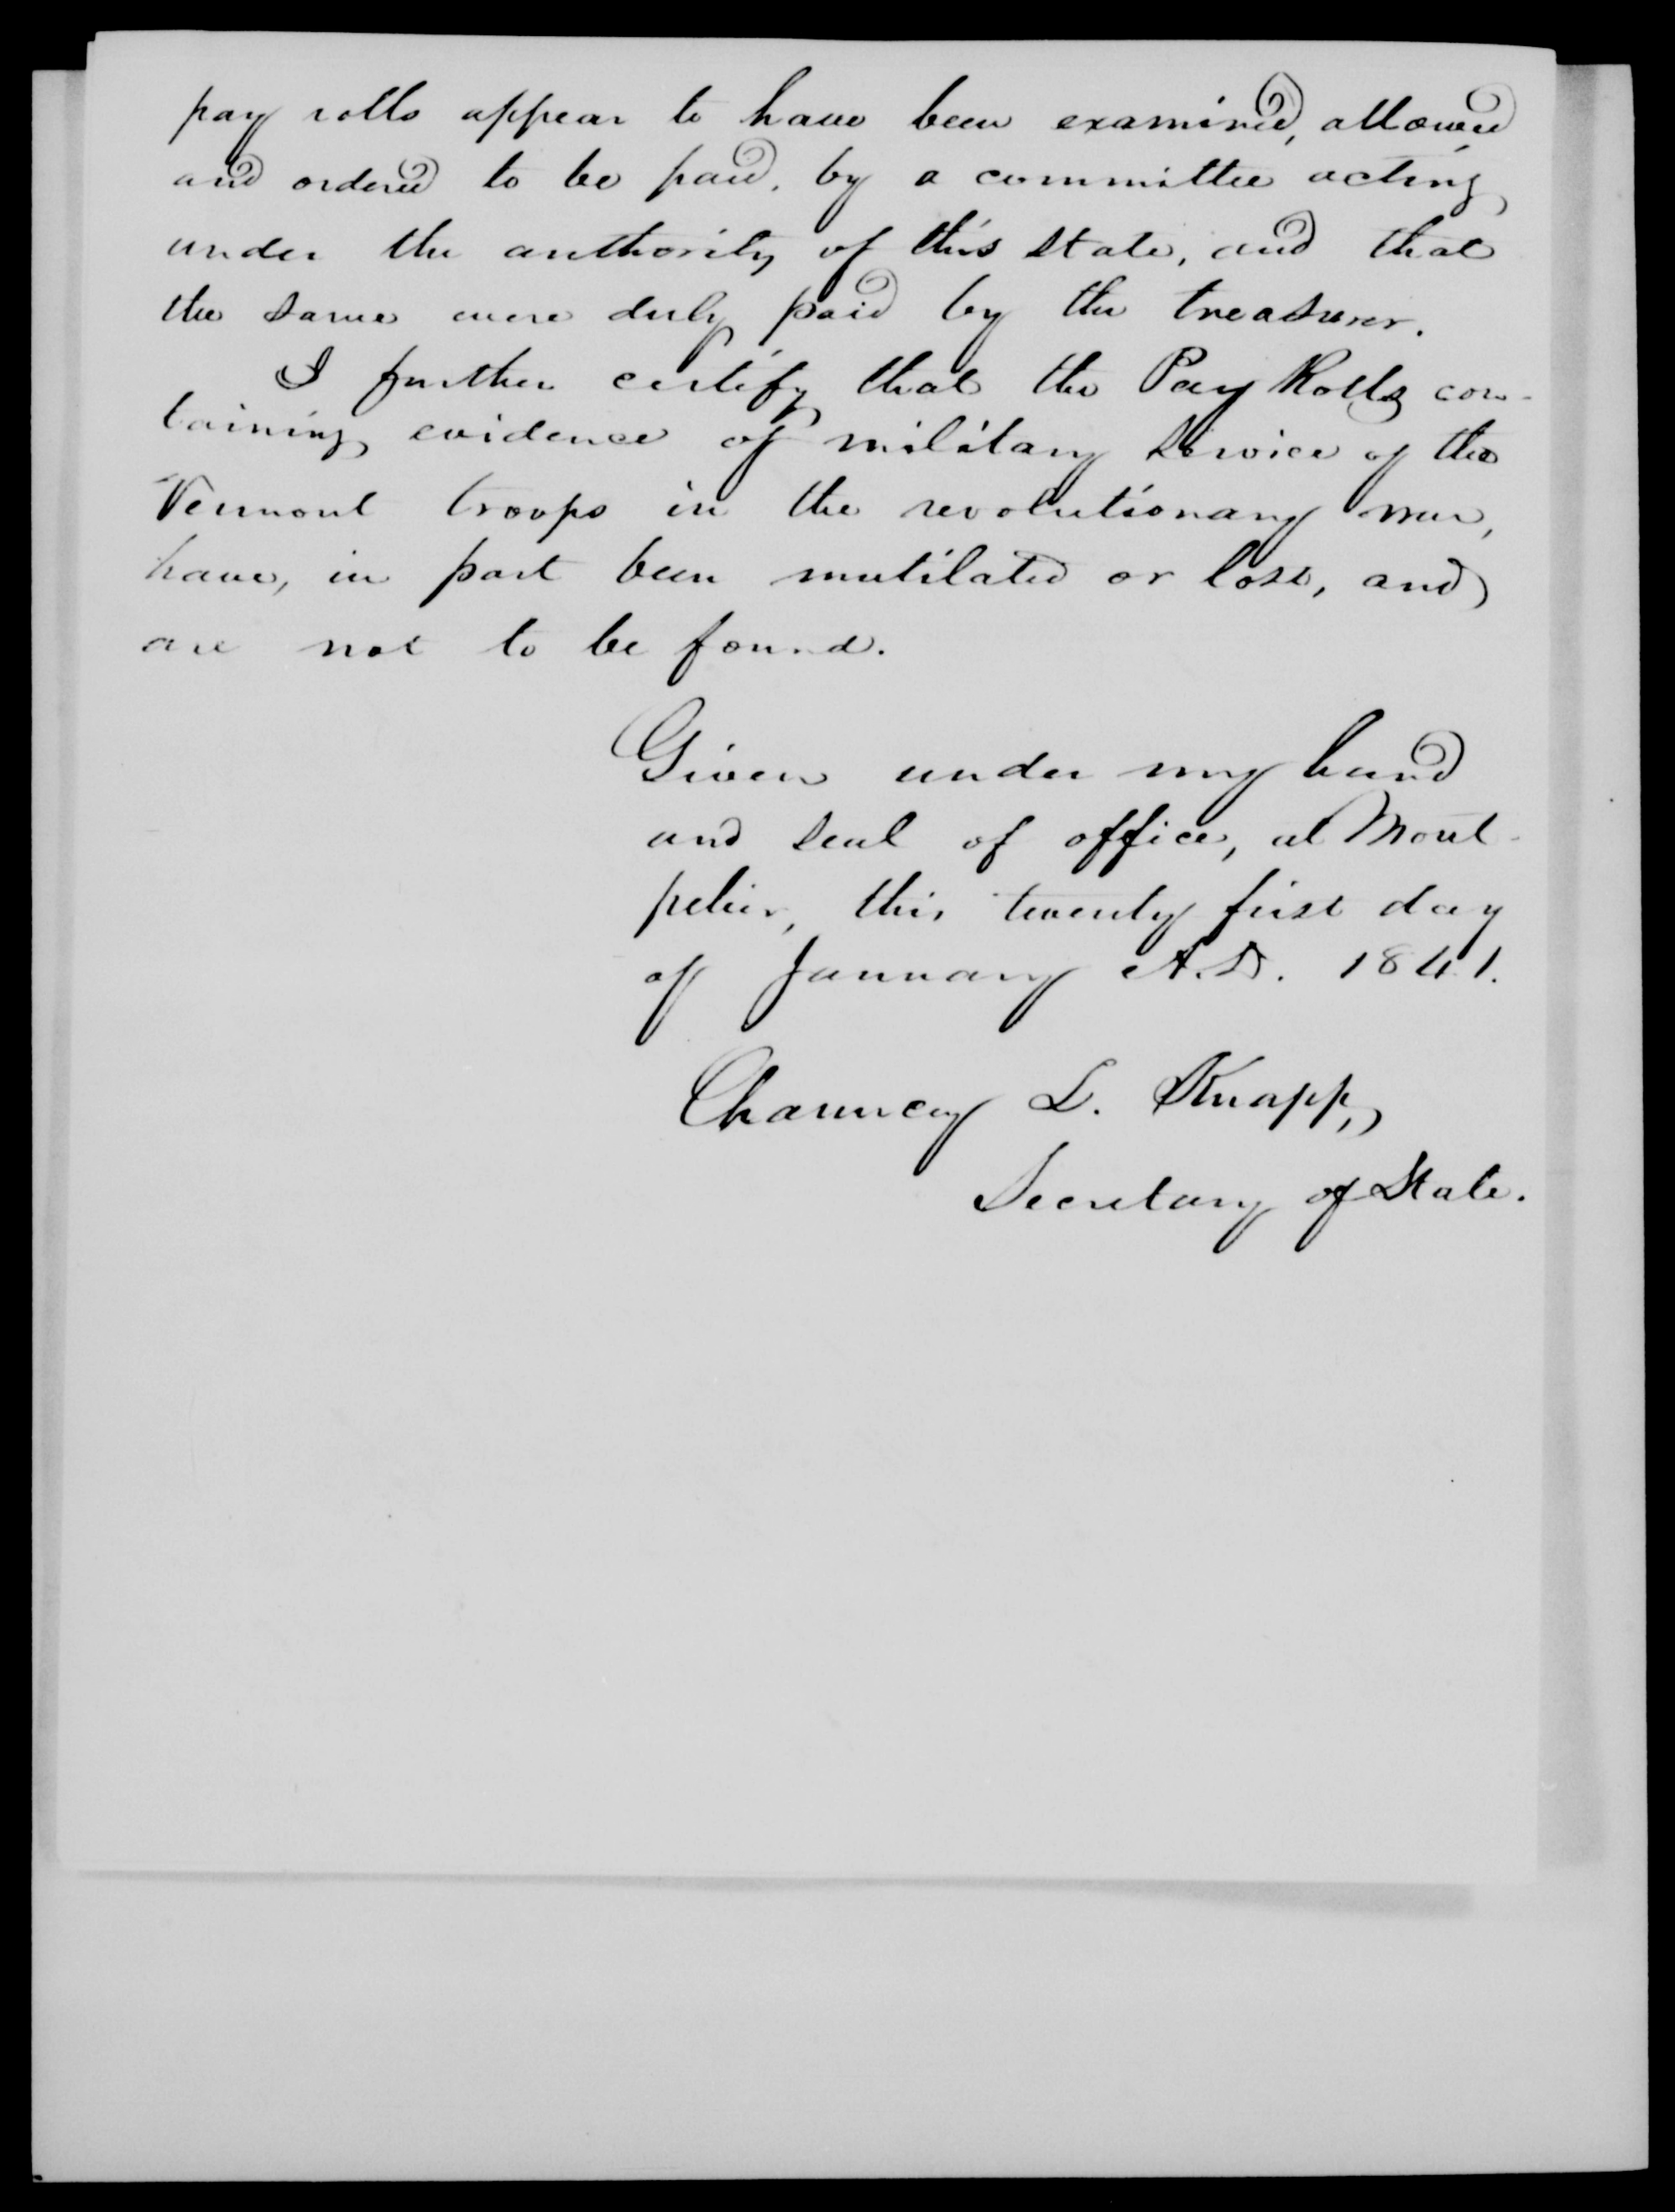pay rolls appear to have been examined allowed
and ordered to be paid, by a committee acting
under the authority of this State, and that the
same were duly paid by the treasurer.
I further certify that the Pay Rolls containing
evidence of military service of the
Vermont troops in the revolutionary war
have, in part been mutilated or lost, and
are not to be found.
Given under my hand
and seal of office, at Montpelier,
this twenty first day
of January A.D. 1841.
Chauncey L. Knapp,
Secretary of State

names: Chauncey L Knapp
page: 30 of 46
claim: widow's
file: W. 24976, for Daniel Skinner, New Hampshire